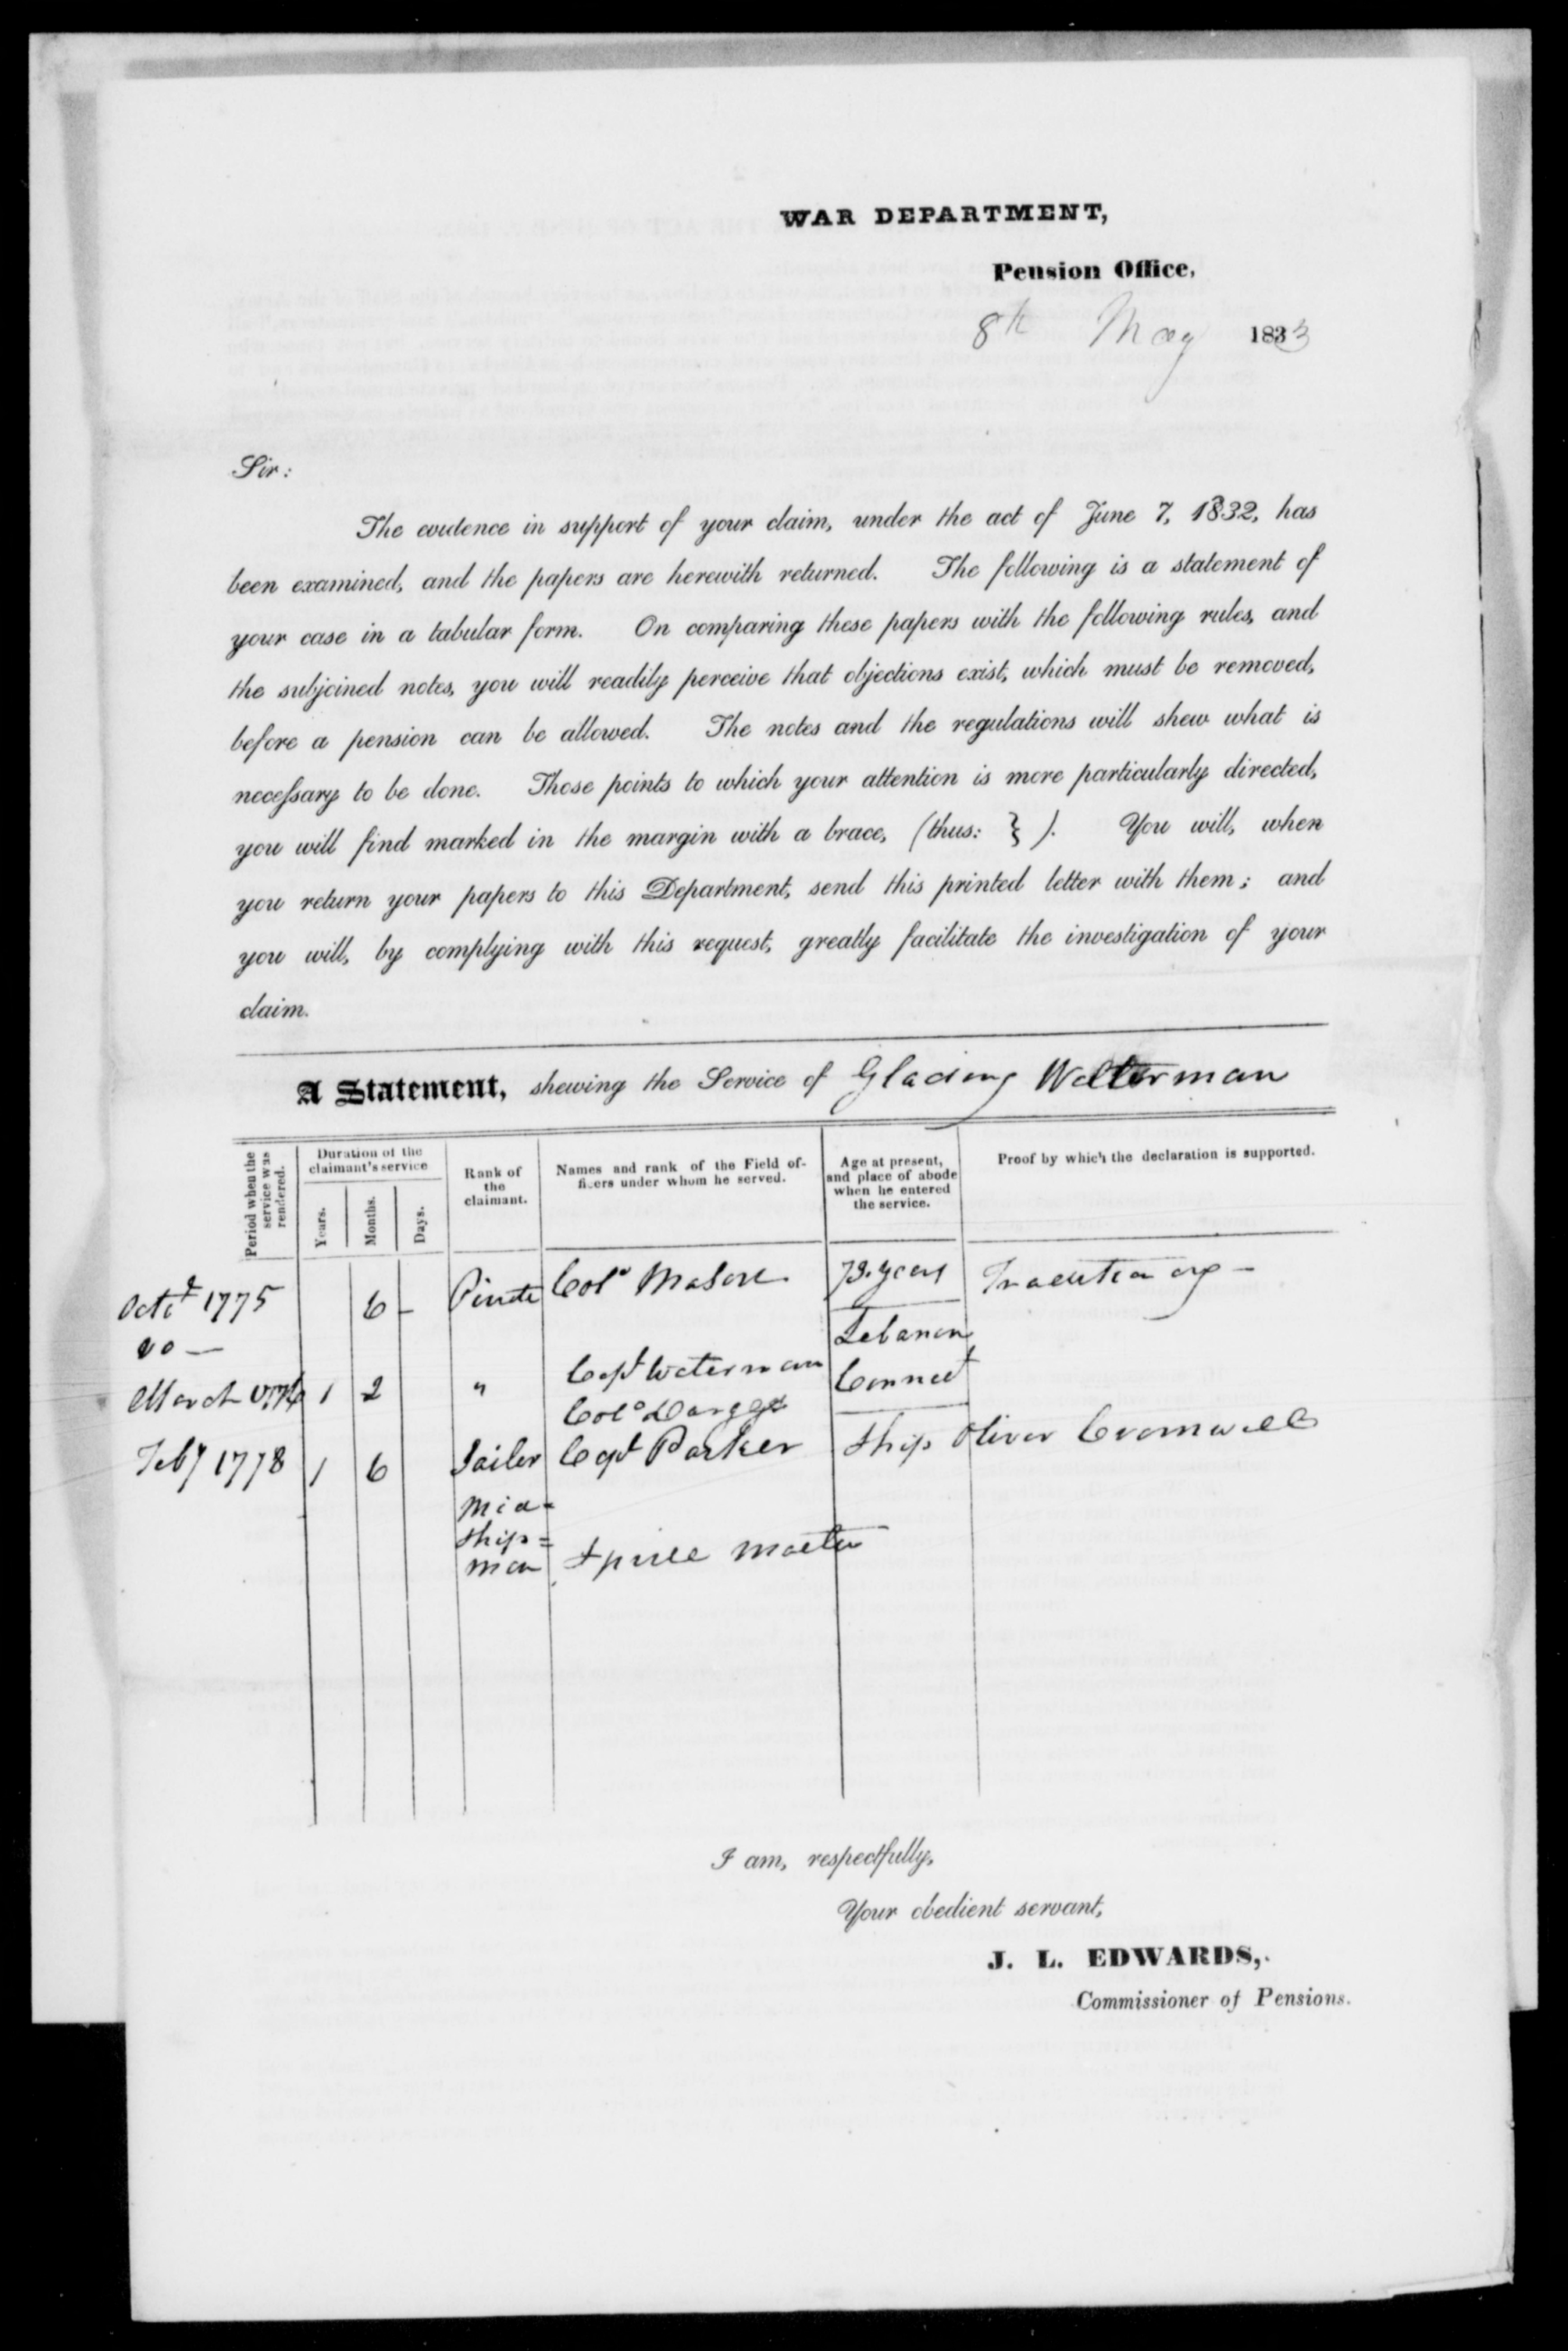WAR DEPARTMENT
PENSION OFFICE
8th May 1833

Sir:
      The evidence in support of your claim, under the act of June 7, 1832, has been examined, and the papers are herewith returned.  The following is a statement of your case in a tubular form.  On comparing these papers with the following rules, and the subjoined notes, you will readily perceive that objections exist, which must be removed, before a pension can be allowed.  The notes and regulations will shew what is necessary to be done.  These points to which your attention is more particularly directed, you will find marked in the margin with a brace, (thus: } ).  You will, when you return your papers to this Department, sent this printed letter with them; and you will, by complying with this request, greatly facilitate the investigation of your claim.
--------------------------------------------------
A STATEMENT, Shewing the Service of Glading Waterman
---------------------------------------------------
(Line 1)
Period when the service was rendered.
Octr 1775
  
Duration of the claimant's service
Years   Months   Days
                6            -
Rank of  the claimant.
Private

Names and rank of the Field officers under whom he served.
Col Mason

Age at present, and place of abode when he entered the service.
73 years - Lebanaon

Proof by whie't the declaration is supported.
[                ]-

(Line 2)
Period when the service was rendered.
March 1776

Duration of the claimant's service
Years    Months   Days
    1             2

Rank of the claimant.
Private

Names and rank of the Field officers under who he served. 
Capt Waterman
Col Dargge

Age at present, and place of abode when he entered the service.
Connect

Proof by whic't the declaration is supported.


(Line 3)
Period when the service was rendered.
Feby 1778

Duration of the claimant's service
Years     Months    Days
    1             6

Rank of the claimant.
Sailor
Midshipman
Prize master

Names and rank of the Field officers under whom he served.
Capt Parker

Age at present, and place of abode when entered the service.
Ship   Oliver Cromwell

Proof by whic't the declaration is supported.

------------------------------------------------


I am, respectfully, 
Your obedient servant,
J. L. EDWARDS, 
Commissioner of Pensions.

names: Mason, J L Edwards, Glading Waterman, Dargge, Parker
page: 21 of 50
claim: widow's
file: W. 15814, Glading Waterman, Conn. Conn. Sea Service Continental